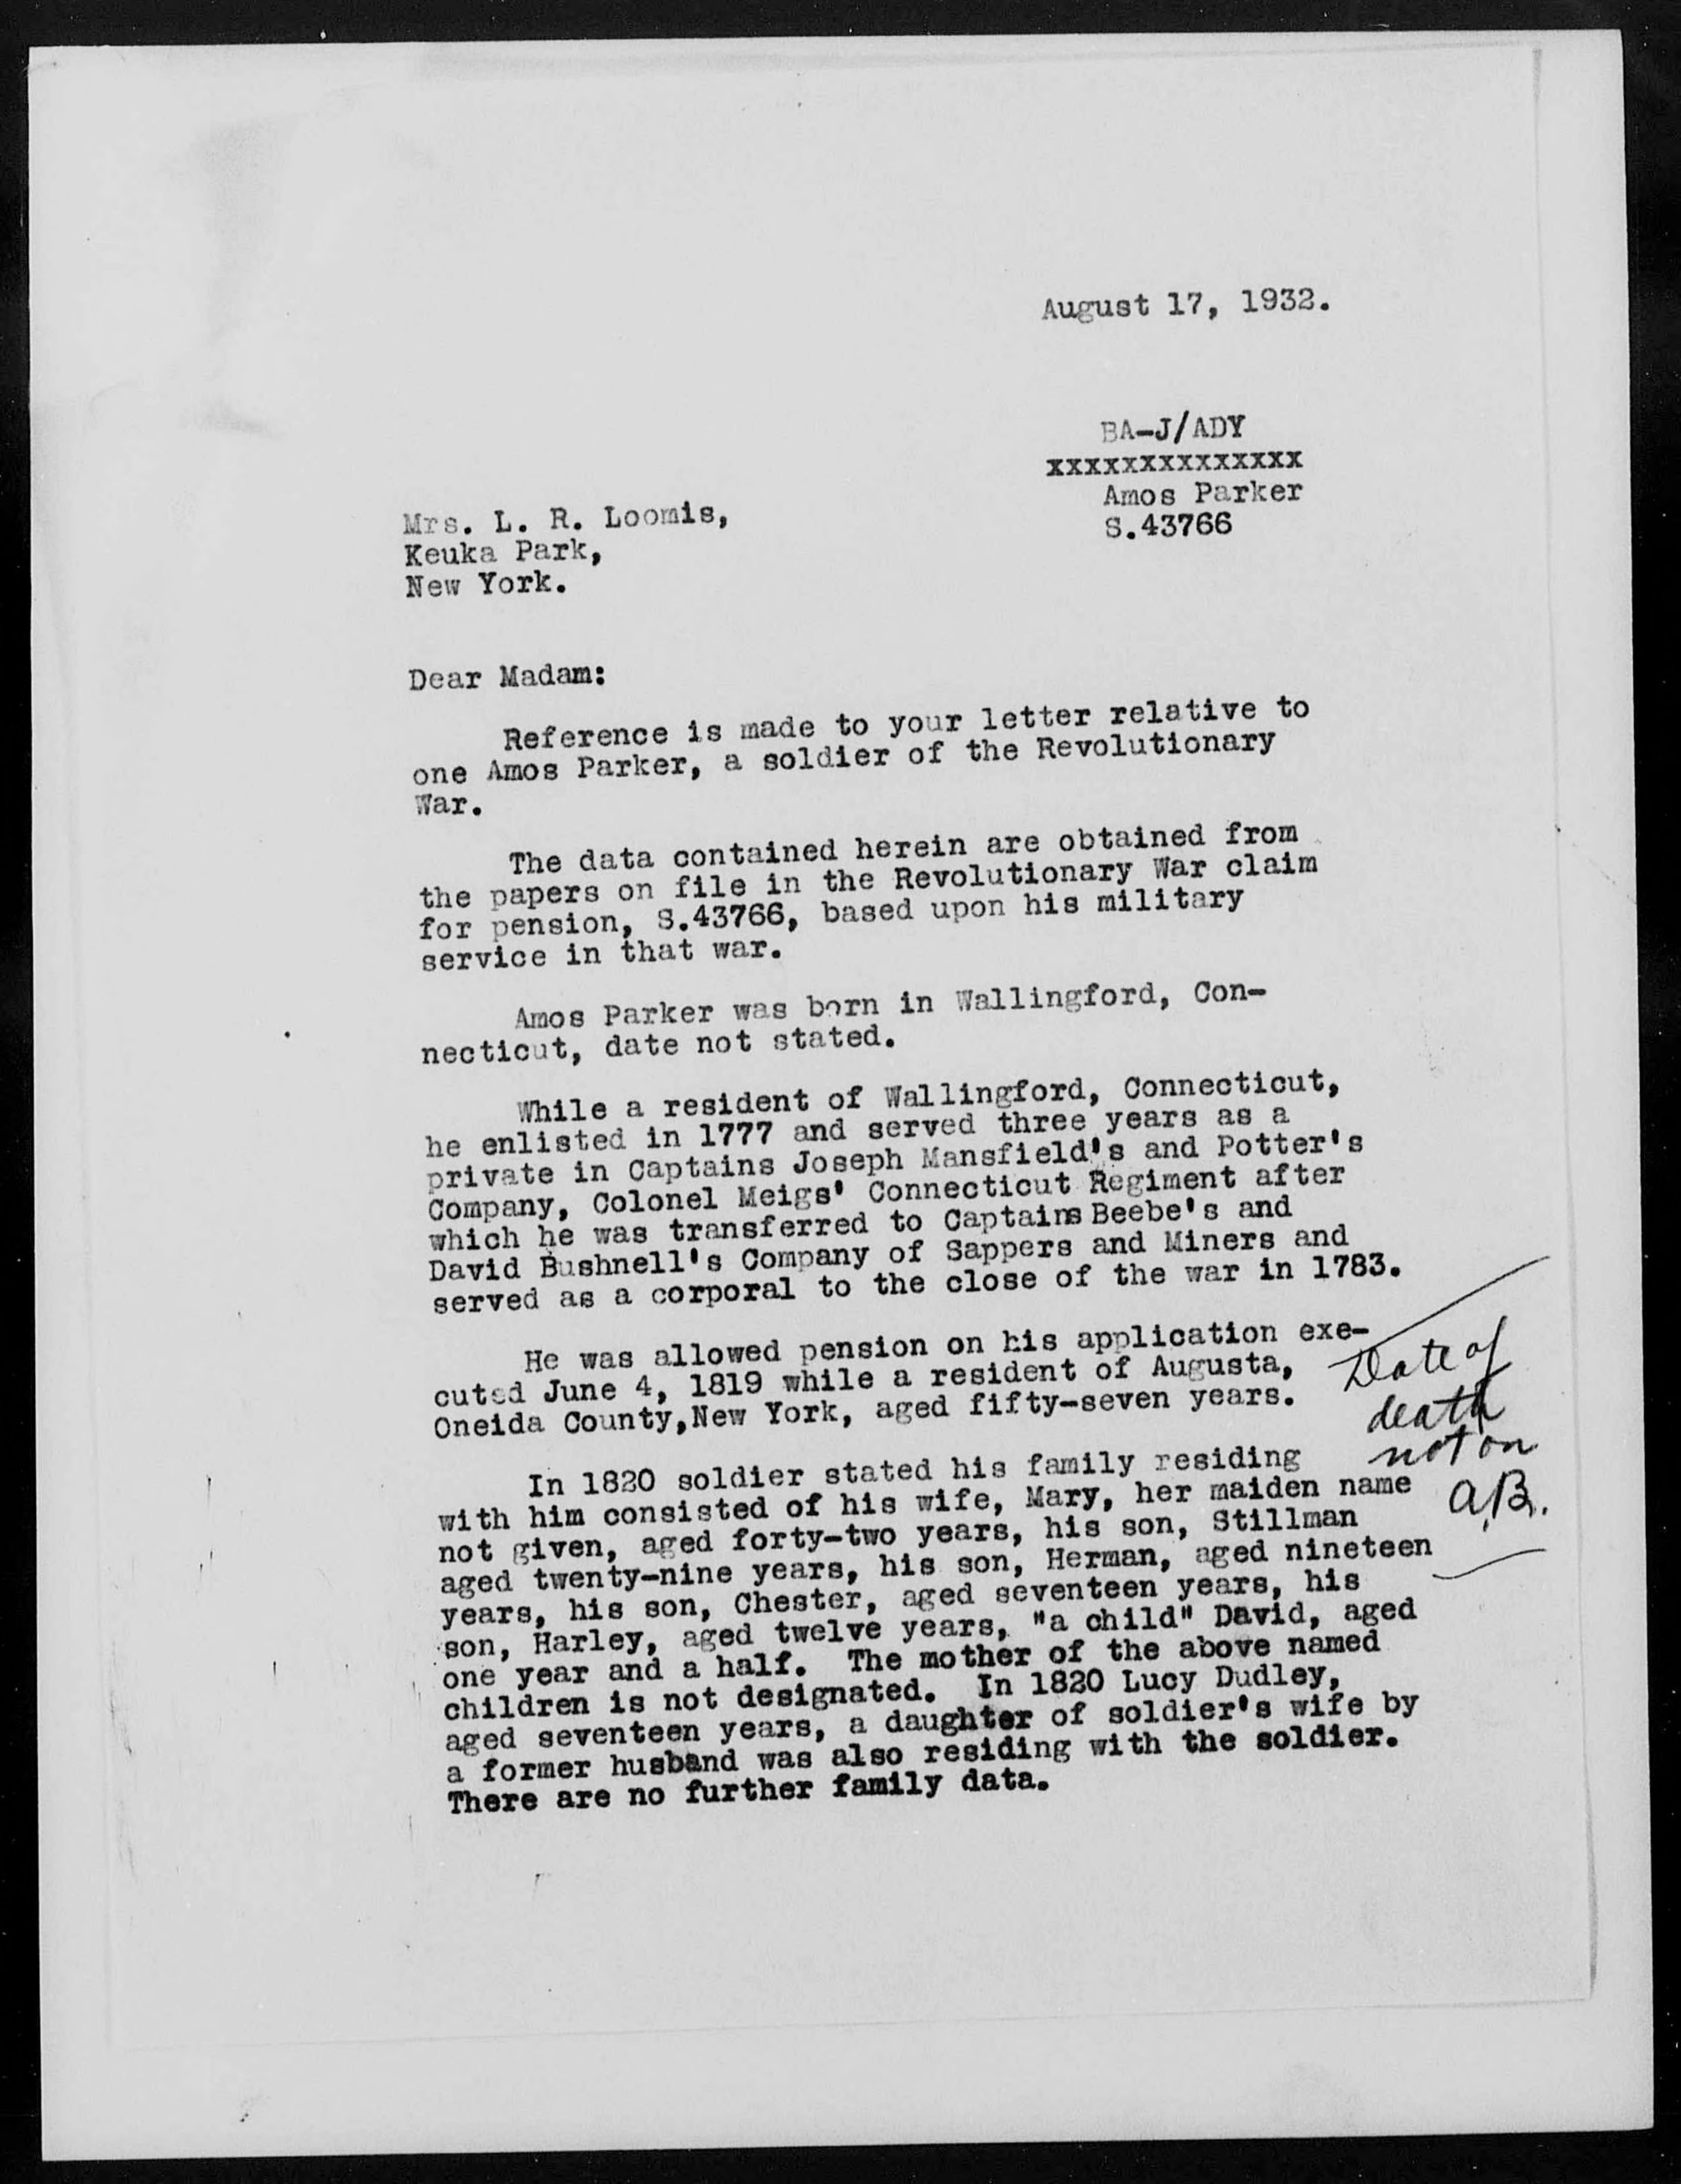August 17, 1932.
BA-J/ADY
Amos Parker
S. 43766
Mrs. L. R. Loomis,
Keuka Park,
New York.
Dear Madam:
Reference is made to your letter relative to
one Amos Parker, a soldier of the Revolutionary
War.
The data contained herein are obtained from
the papers on file in the Revolutionary War claim
for pension, S.43766, based upon his military
service in that war.
Amos Parker was born in Wallingford, Connecticut
, date not stated.
While a resident of Wallingford, Connecticut,
he enlisted in 1777 and served three years as a
private in Captains Joseph Mansfield's and Potter's
Company, Colonel Meigs' Connecticut Regiment after
which he was transferred to Captains Beebe's and
David Bushnell's Company of Sappers and Miners and
served as a corporal to the close of the war in 1783.
He was allowed pension on his application executed
June 4, 1819 while a resident of Augusta,  Oneida County, New York, aged fifty-seven years.
Date of death not on A.B.
In 1820 soldier stated his family residing
with him consisted of his wife, Mary, her maiden name
not given, aged forty-two years, his son, Stillman
aged twenty-nine years, his son, Herman, aged nineteen
years, his son, Chester, aged seventeen years, his
son, Harley, aged twelve years, "a child" David, aged
one year and a half. The mother of the above named
children is not designated. In 1820 Lucy Dudley,
aged seventeen years, a daughter of soldier's wife by
a former husband was also residing with the soldier.
There are no further family data.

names: Stillman [BLANK]; David [BLANK]; Mary [BLANK]; Lucy Dudley; L R Loomis; Herman [BLANK]; Harley [BLANK]; Amos Parker; Chester [BLANK]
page: 16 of 31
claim: survivor's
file: S. 43766, for Amos Parker, Connecticut